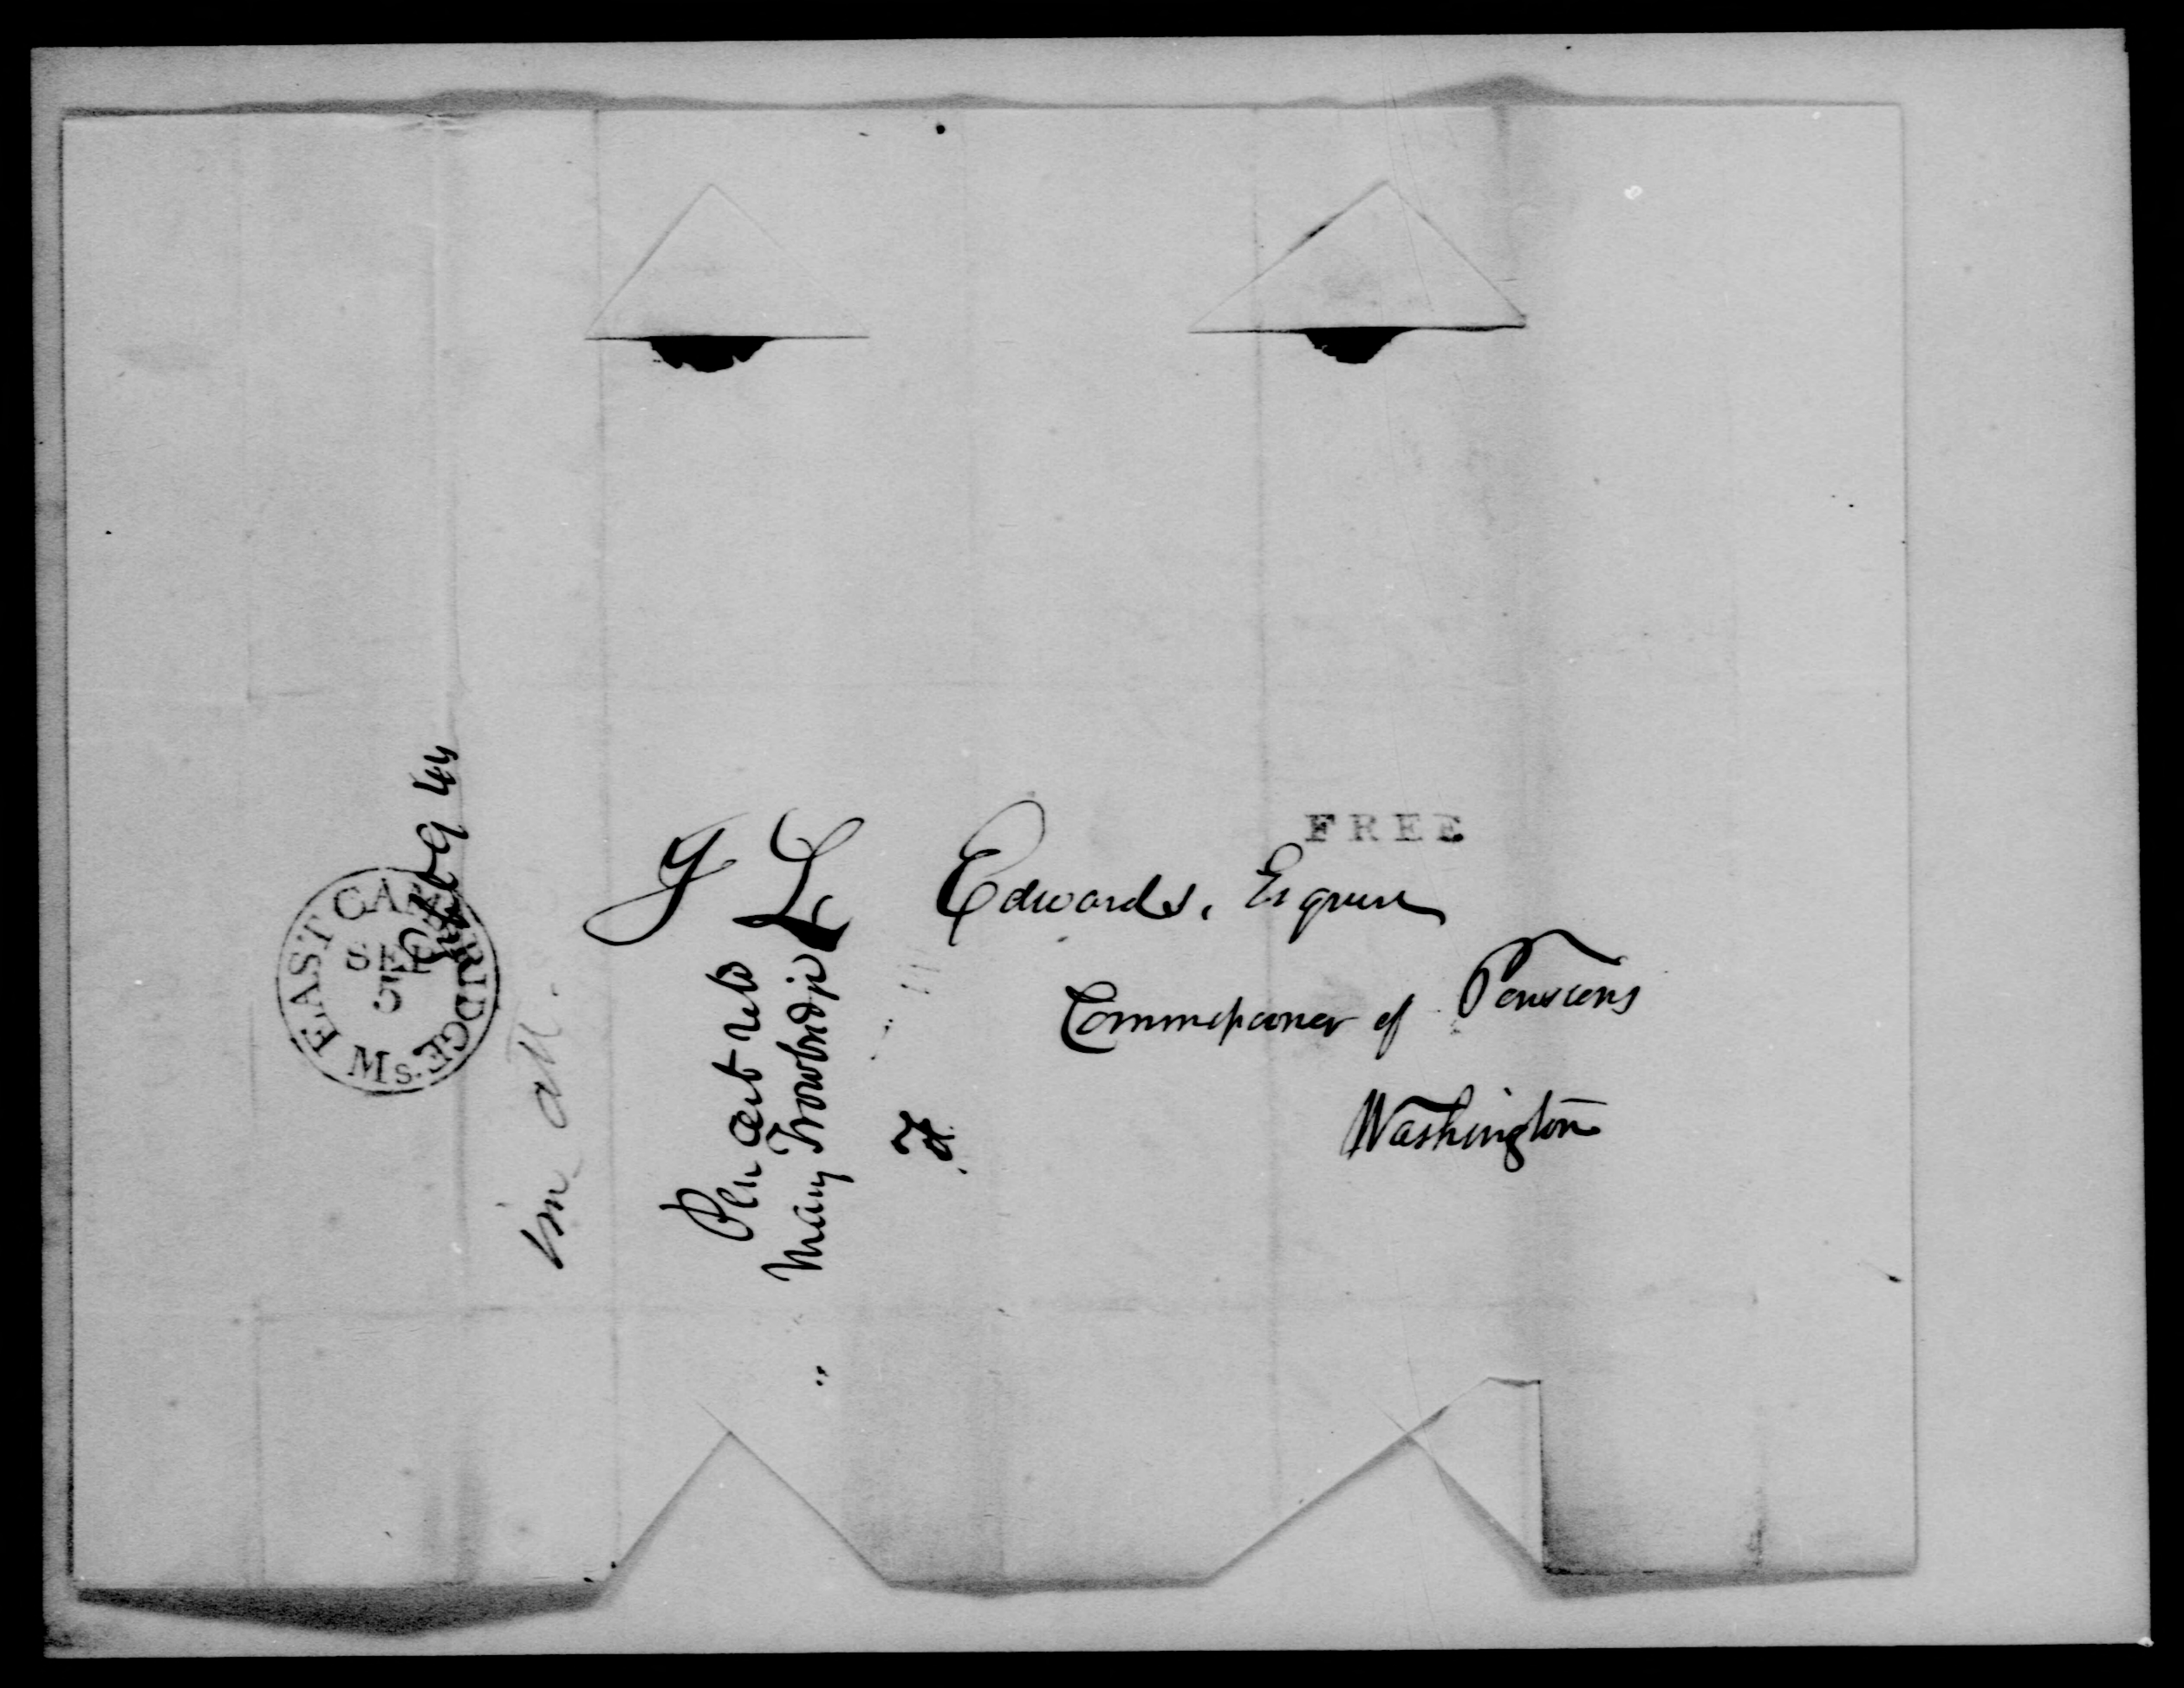[Postage cancellation stamp:]
EAST CAMBRIDGE Ms.   SEP 5

Sept 9 44

im att.

Pen cert reto
Mary Trowbridge
F.

FREE

J L Edwards, Esquire
Commissioner of Pensions
Washington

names: Mary Trowbridge, J L Edwards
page: 17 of 34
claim: widow's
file: W. 15439, John Trowbridge, Mass.